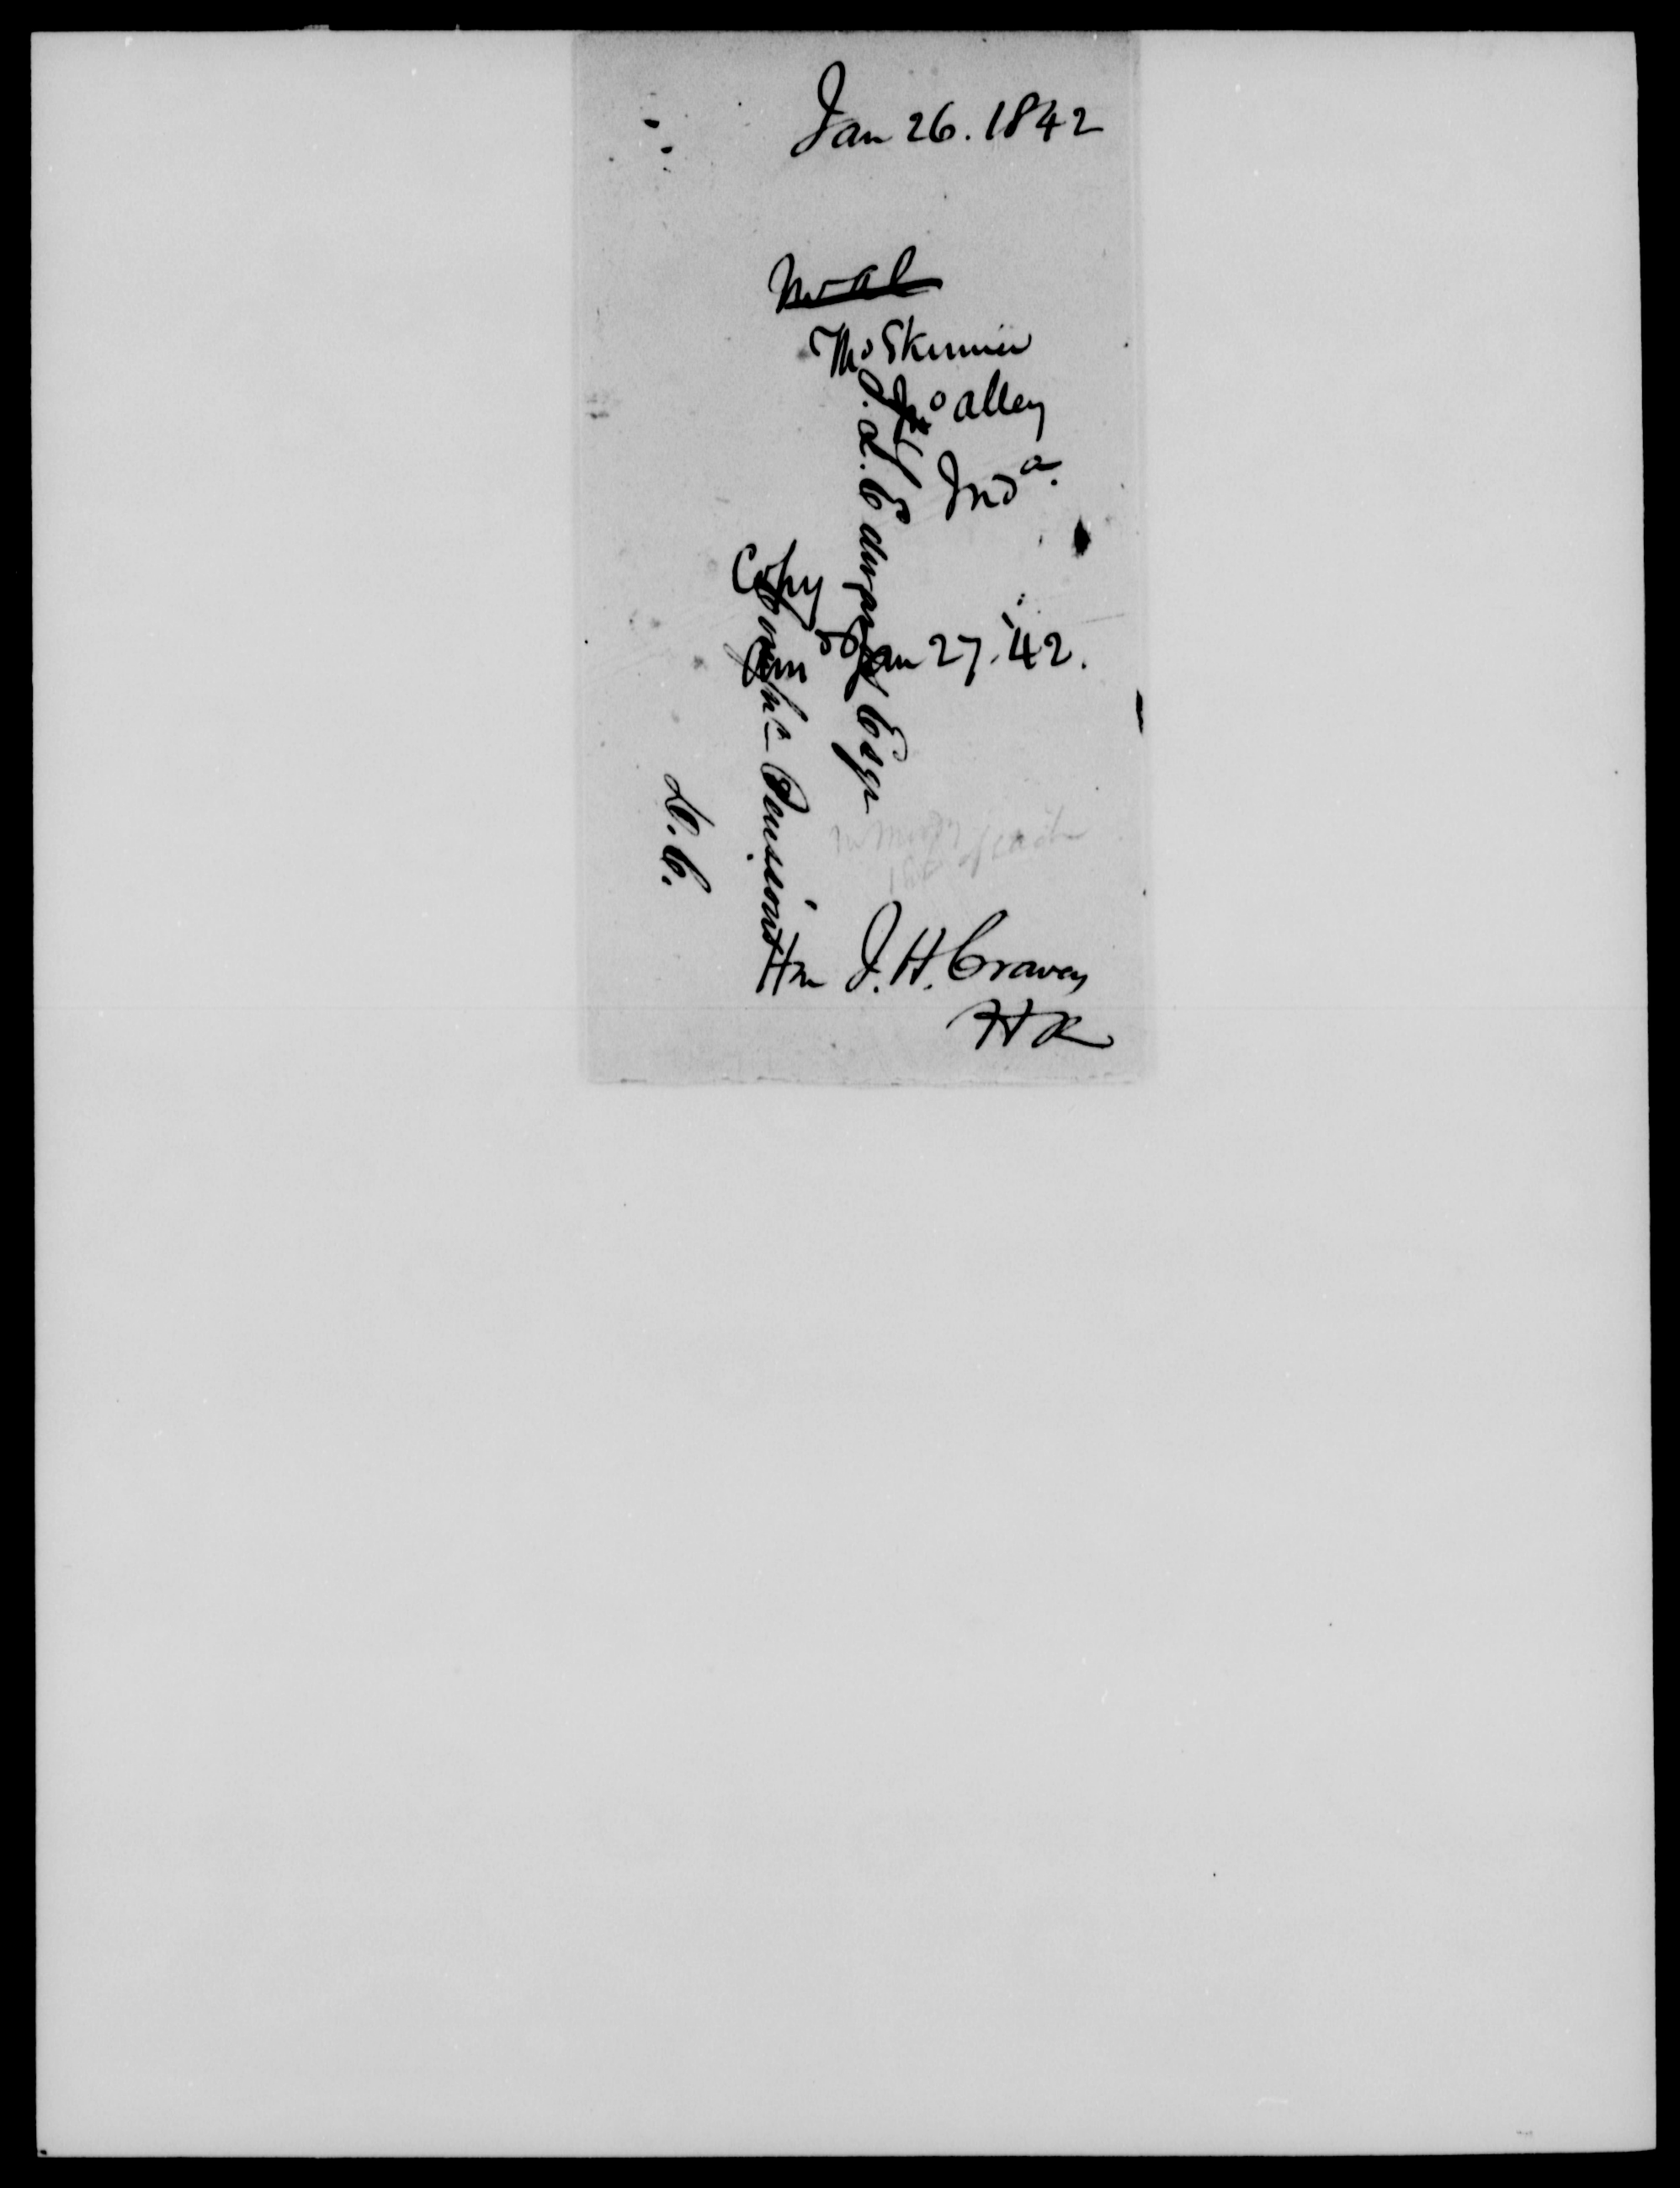Jan 26. 1842
Tho. Skinner
Jno. Alley
Inda.
Copy Am Jan 27 '42
J. L. Edwards Esq.
[illegible] Pensions D.C.
Hon. J.H. Cravens
HR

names: Tho Skinner; J L Edwards; J H Cravens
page: 9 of 33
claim: rejected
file: R. 9635, for Thomas Skinner, Delaware